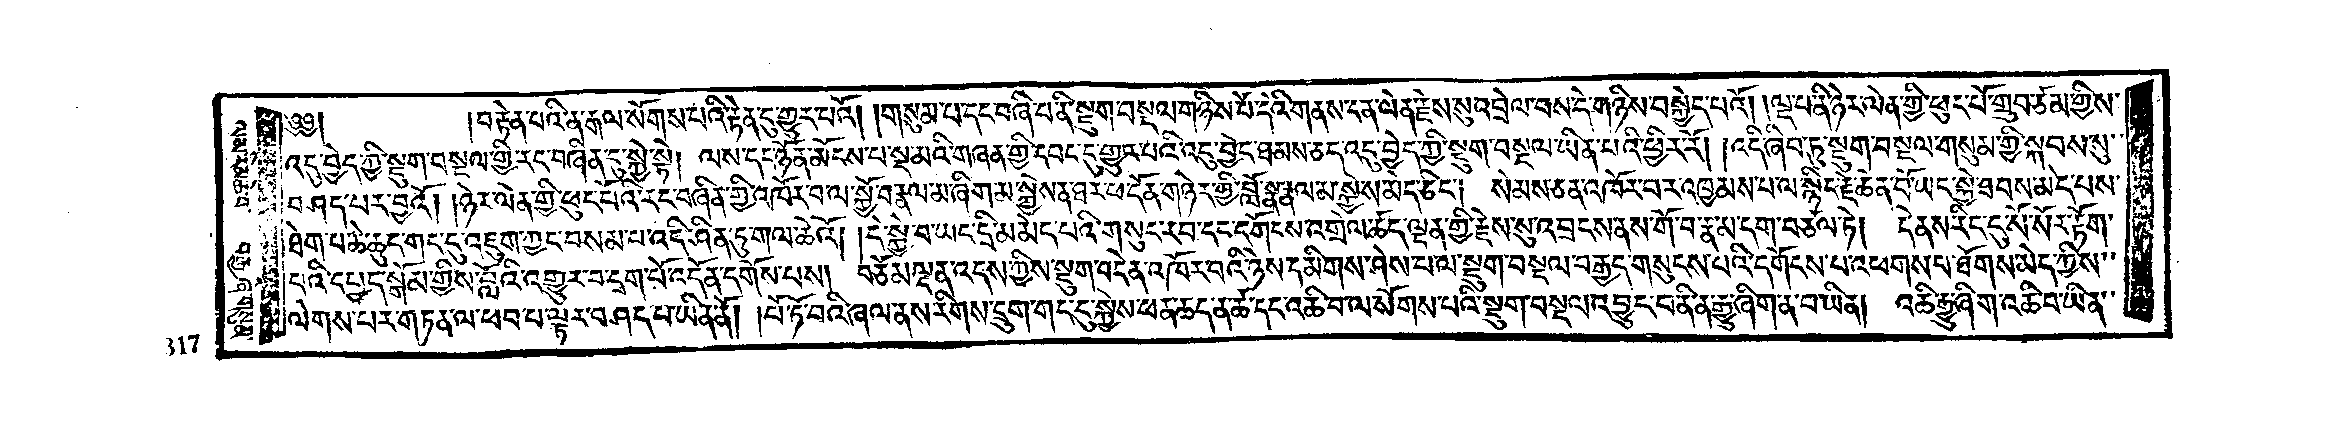༄༅། །བརྟེན་པའི་ན་རྒ་ལ་སོགས་པའི་རྟེན་དུ་གྱུར་པའོ། །གསུམ་པ་དང་བཞི་པ་ནི་སྡུག་བསྔལ་གཉིས་པོ་དེའི་གནས་ངན་ལེན་རྗེས་སུ་འབྲེལ་བས་དེ་གཉིས་བསྐྱེད་པའོ། །ལྔ་པ་ནི་ཉེར་ལེན་གྱི་ཕུང་པོ་གྲུབ་ཙམ་གྱིས་
འདུ་བྱེད་ཀྱི་སྡུག་བསྔལ་གྱི་རང་བཞིན་དུ་སྐྱེ་སྟེ། ལས་དང་ཉོན་མོངས་པ་སྔ་མའི་གཞན་གྱི་དབང་དུ་གྱུར་པའི་འདུ་བྱེད་ཐམས་ཅད་འདུ་བྱེད་ཀྱི་སྡུག་བསྔལ་ཡིན་པའི་ཕྱིར་རོ། །འདི་ཞིབ་ཏུ་སྡུག་བསྔལ་གསུམ་གྱི་སྐབས་སུ་
བཤད་པར་བྱའོ། །ཉེར་ལེན་གྱི་ཕུང་པོའི་རང་བཞིན་གྱི་འཁོར་བ་ལ་སྐྱོ་བ་རྣལ་མ་ཞིག་མ་སྐྱེས་ན་ཐར་པ་དོན་གཉེར་གྱི་བློ་སྣ་རྣལ་མ་སྐྱེ་ས་མེད་ཅིང་། སེམས་ཅན་འཁོར་བར་འཁྱམས་པ་ལ་སྙིང་རྗེ་ཆེན་པོ་ཡང་སྐྱེ་ཐབས་མེད་པས་
ཐེག་པ་ཆེ་ཆུང་གང་དུ་འཇུག་ཀྱང་བསམ་པ་འདི་ཤིན་ཏུ་གལ་ཆེའོ། །དེ་སྐྱེ་བ་ཡང་དྲི་མ་མེད་པའི་གསུང་རབ་དང་དགོངས་འགྲེལ་ཚད་ལྡན་གྱི་རྗེས་སུ་འབྲངས་ནས་གོ་བ་རྣམ་དག་བཙལ་ཏེ། དེ་ནས་རིང་དུ་སོ་སོར་རྟོག་
པའི་དཔྱད་སྒོམ་གྱིས་བློའི་འགྱུར་བ་དྲག་པོ་འདོན་དགོས་པས། བཅོམ་ལྡན་འདས་ཀྱིས་སྡུག་བདེན་འཁོར་བའི་ཉེས་དམིགས་ཤེས་པ་ལ་སྡུག་བསྔལ་བརྒྱད་གསུངས་པའི་དགོངས་པ་འཕགས་པ་ཐོག་མེད་ཀྱིས་
ལེགས་པར་གཏན་ལ་ཕབ་པ་ལྟར་བཤད་པ་ཡིན་ནོ། །པོ་ཏོ་བའི་ཞལ་ནས་རིགས་དྲུག་གང་དུ་སྐྱེས་ཕན་ཆད་ན་ཚ་དང་འཆི་བ་ལ་སོགས་པའི་སྡུག་བསྔལ་འབྱུང་བ་ནི་ན་རྒྱུ་ཞིག་ན་བ་ཡིན། འཆི་རྒྱུ་ཞིག་འཆི་བ་ཡིན་